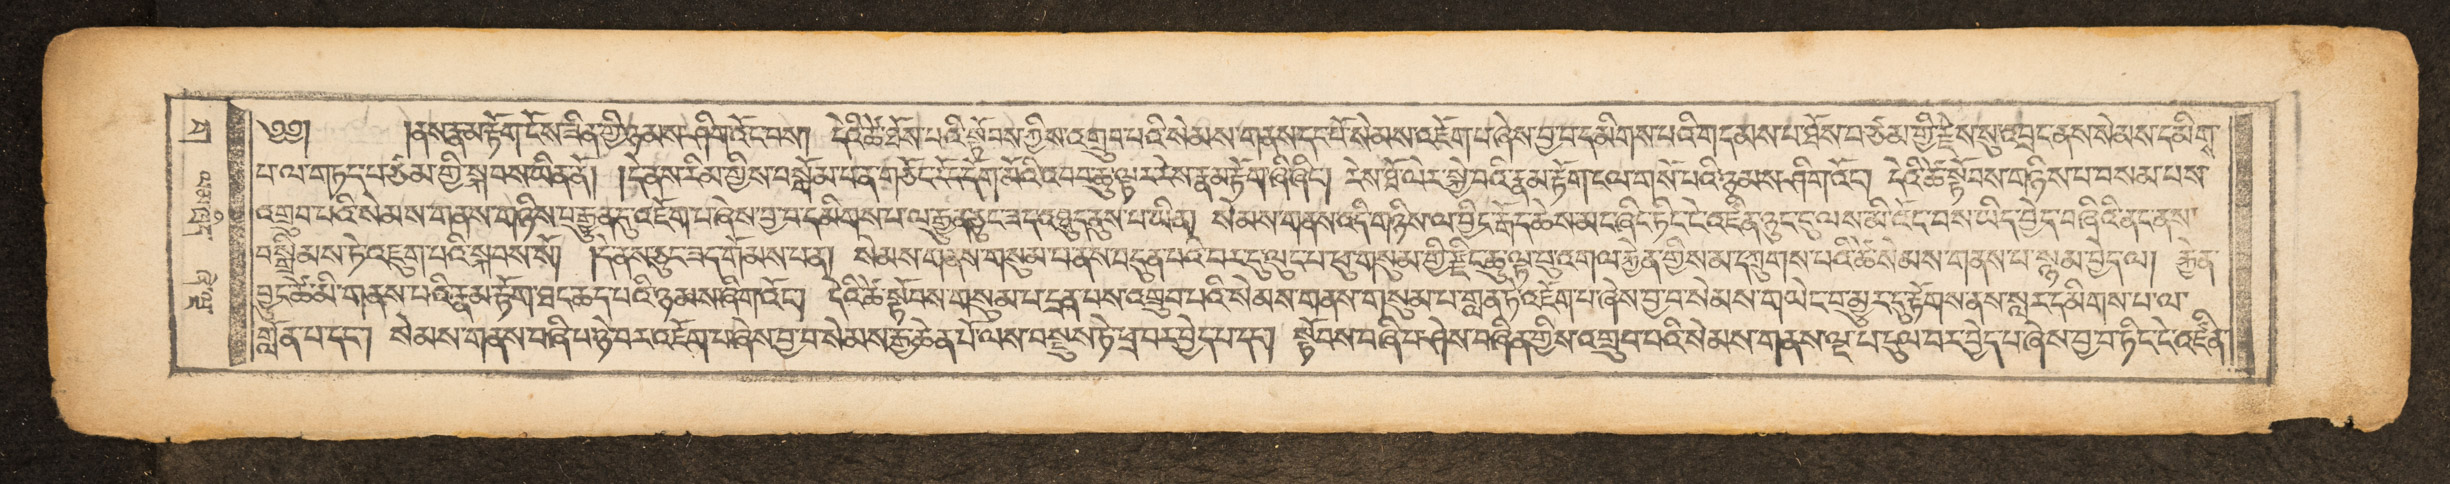༄༅། །ནས་རྣམ་རྟོག་ངོས་ཟིན་གྱི་ཉམས་ཤིག་འོང་བས། དེའི་ཚེ་ཐོས་པའི་སྟོབས་ཀྱིས་འགྲུབ་པའི་སེམས་གནས་དང་པོ་སེམས་འཇོག་པ་ཞེས་བྱ་བ་དམིགས་པའི་གདམས་པ་ཐོས་པ་ཙམ་གྱི་རྗེས་སུ་འབྲང་ནས་སེམས་དམིགས་
པ་ལ་གཏད་པ་ཙམ་གྱི་སྐབས་ཡིན་ནོ། །དེ་ནས་རིམ་གྱིས་བསྒོམ་པ་ན་གཅོང་རོང་དོག་མོའི་འབབ་ཆུ་ལྟར་ངེས་རྣམ་རྟོག་ཞི་ཞིང་། རེས་ཐོ་ལེར་སྐྱེ་བའི་རྣམ་རྟོག་ངལ་གསོ་པའི་ཉམས་ཤིག་འོང་། དེའི་ཚེ་སྟོབས་གཉིས་པ་བསམ་པས་
འགྲུབ་པའི་སེམས་གནས་གཉིས་པ་རྒྱུན་དུ་འཇོག་པ་ཞེས་བྱ་བ་དམིགས་པ་ལ་རྒྱུན་ཅུང་ཟད་འབུད་ནུས་པ་ཡིན། སེམས་གནས་འདི་གཉིས་ལ་བྱིང་རྒོད་ཆེས་མང་ཞིང་ཏིང་ངེ་འཛིན་ཉུང་དུ་ལས་མི་འོང་བས་ཡིད་བྱེད་བཞིའི་ནང་ནས་
བསྒྲིམས་ཏེ་འཇུག་པའི་སྐབས་སོ། །དེ་ནས་ཅུང་ཟད་གོམས་པ་ན། སེམས་གནས་གསུམ་པ་ནས་བདུན་པའི་བར་དུ་ལུང་པ་ཕུ་གསུམ་གྱི་རྫིང་ཆུ་ལྟ་བུ་འགལ་རྐྱེན་གྱིས་མ་དཀྲུགས་པའི་ཚེ་སེམས་གནས་པ་སྙམ་བྱེད་ལ། རྐྱེན་
བྱུང་ཚེ་མི་གནས་པའི་རྣམ་རྟོག་ཐང་ཆད་པའི་ཉམས་ཞིག་འོང་། དེའི་ཚེ་སྟོབས་གསུམ་པ་དྲན་པས་འགྲུབ་པའི་སེམས་གནས་གསུམ་པ་གླན་ཏེ་འཇོག་པ་ཞེས་བྱ་བ་སེམས་གཡེང་བ་མྱུར་དུ་རྟོགས་ནས་སླར་དམིགས་པ་ལ་
གློན་པ་དང་། སེམས་གནས་བཞི་པ་ཉེ་བར་འཇོག་པ་ཞེས་བྱ་བ་སེམས་རྒྱ་ཆེན་པོ་ལས་བསྡུས་ཏེ་ཕྲ་བར་བྱེད་པ་དང་། སྟོབས་བཞི་པ་ཤེས་བཞིན་གྱིས་འགྲུབ་པའི་སེམས་གནས་ལྔ་པ་དུལ་བར་བྱེད་པ་ཞེས་བྱ་བ་ཏིང་ངེ་འཛིན་